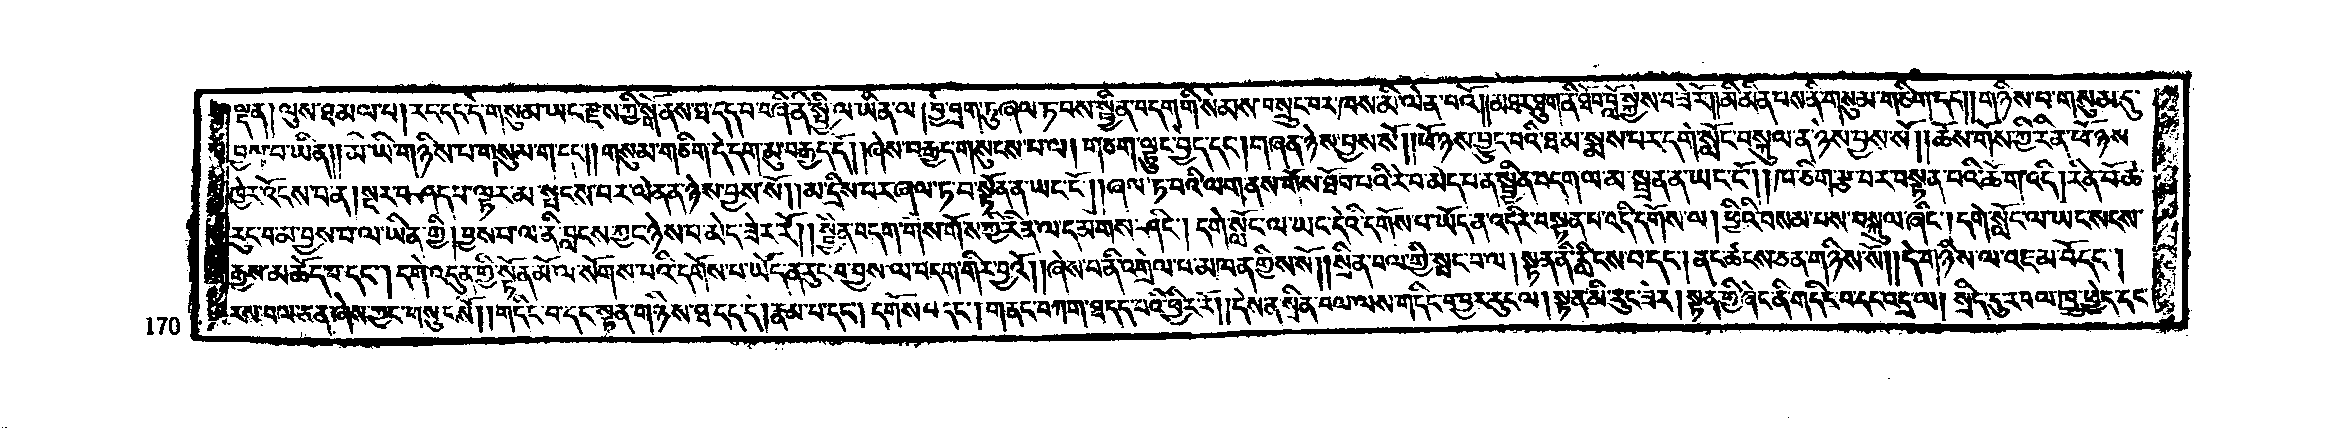ལྡན། ལུས་ཐ་མལ་པ། རང་དང་དེ་གསུམ་ཡང་རྫས་ཀྱི་སྒོ་ནས་ཐ་དད་པ་བཞི་ནི་སྤྱི་ལ་ཡིན་ལ། བྱེ་བྲག་ཏུ་ཞལ་ཏ་པས་སྦྱིན་བདག་གི་སེམས་བསྲུང་བར་ཁས་མི་ལེན་པའོ། །མཐར་ཐུག་ནི་ཐོབ་བློ་སྐྱེས་པ་ཟེར་རོ། །མི་མིན་པས་ནི་གསུམ་གཅིག་དང་། །གཉིས་པ་གསུམ་དུ་
བྱས་པ་ཡིན། །མི་ཡི་གཉིས་པ་གསུམ་ག་དང་། །གསུམ་གཅིག་དེ་དག་མུ་བརྒྱད་དོ། །ཞེས་བརྒྱད་གསུངས་པ་ལ། གཅིག་ལྟུང་བྱེད་དང་། གཞན་ཉེས་བྱས་སོ། །ཕོ་ཉས་བྱུང་བའི་ཐ་མ་སྨྲས་པར་དགེ་སློང་བསྐུལ་ན་ཉེས་བྱས་སོ། །ཆོས་གོས་ཀྱི་རིན་ཕོ་ཉས་
ཁྱེར་འོངས་པ་ན། སྔར་བཤད་པ་ལྟར་མ་སྤངས་པར་ལེན་ན་ཉེས་བྱས་སོ། །མ་དྲིས་པར་ཞལ་ཏ་བ་སྟོན་ན་ཡང་ངོ། །ཞལ་ཏ་བའི་ལག་ནས་གོས་ཐོབ་པའི་རེ་བ་མེད་པ་ན་སྦྱིན་བདག་ལ་མ་སྦྲན་ན་ཡང་ངོ། །ཁ་ཅིག་རྩ་བར་བསྟན་པའི་ཆོ་ག་འདི། རིན་པོ་ཆེ་
རུང་བ་མ་བྱས་པ་ལ་ཡིན་གྱི། བྱས་པ་ལ་ནི་བླངས་ཀྱང་ཉེས་པ་མེད་ཟེར་རོ། །སྦྱིན་བདག་གིས་གོས་ཀྱི་རིན་ལ་དམིགས་ཤིང་། དགེ་སློང་ལ་ཡང་དེའི་དགོས་པ་ཡོད་ན་འདིར་བསྟན་པ་འདི་དགོས་ལ། ཕྱིའི་བསམ་པས་བསྐུལ་ཞིང་། དག་སློང་ལ་ཡང་སངས་
རྒྱས་མཆོད་པ་དང་། དགེ་འདུན་གྱི་སྟོན་མོ་ལ་སོགས་པའི་དགོས་པ་ཡོད་ན་རུང་བ་བྱས་ལ་བདག་གིར་བྱའོ། །ཞེས་པ་ནི་འགྲེལ་པ་མཁན་གྱིས་སོ། །སྲིན་བལ་གྱི་སྤང་བ་ལ། སྟན་ནི་རླིངས་པ་དང་། ནང་ཚངས་ཅན་གཉིས་སོ། །དེ་གཉིས་ལ་འཇམ་པོ་དང་།
རས་བལ་ཅན་ཞེས་ཀྱང་གསུངས་སོ། །གདིང་བ་དང་སྟན་གཉིས་ཐ་དད་དེ། རྣམ་པ་དང་། དགོས་པ་དང་། གནང་བཀག་ཐ་དད་པའི་ཕྱིར་རོ། །དེས་ན་སྲིན་བལ་ལས་གདིང་བ་བྱར་རུང་ལ། སྟན་མི་རུང་ཟེར། སྟན་གྱི་ཞེང་ནི་གདིང་བ་དང་འདྲ་ལ། སྲིད་དུ་རབ་ལ་ཁྲུ་ཕྱེད་དང་